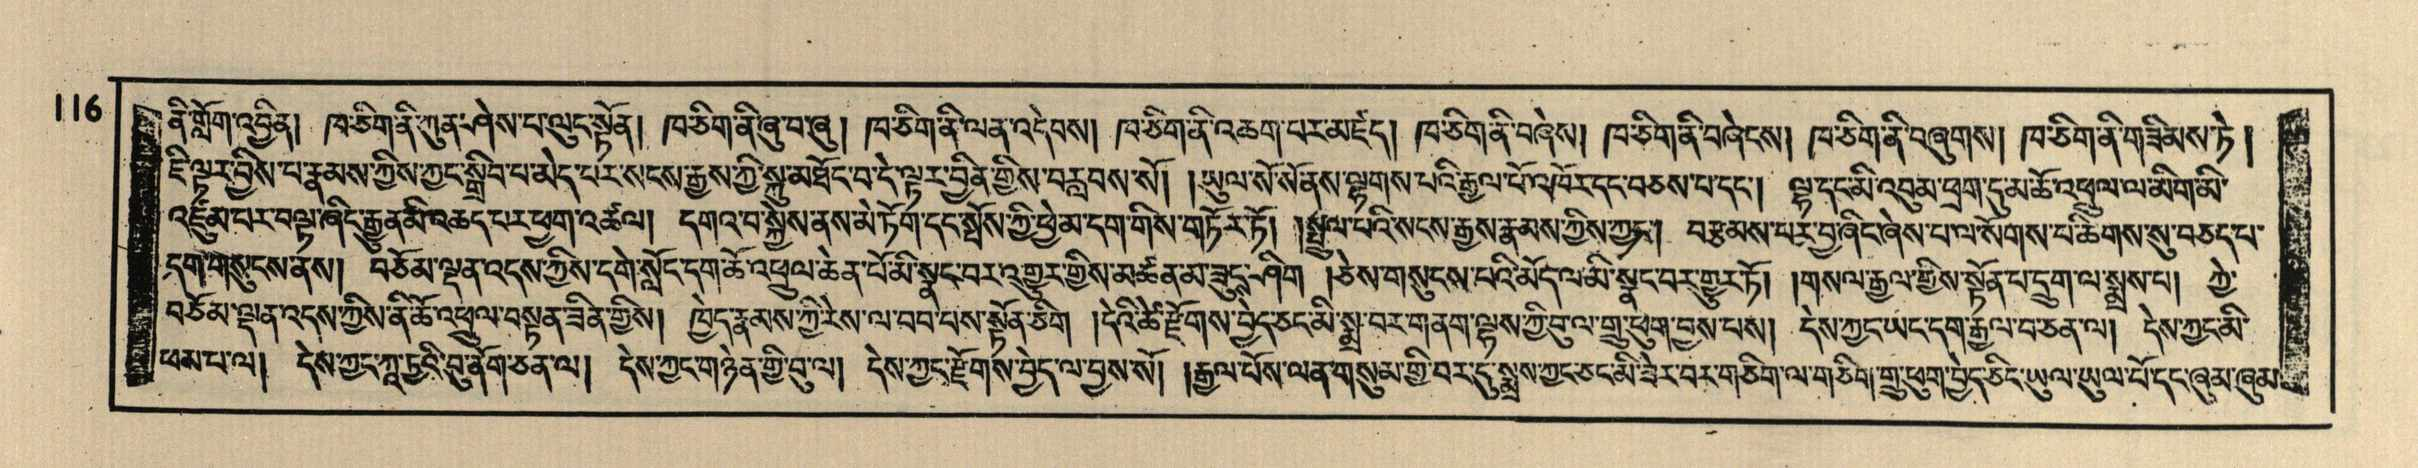ནི་གློག་འབྱིན། ཁ་ཅིག་ནི་ཀུན་ཤེས་པ་ལུང་སྟོན། ཁ་ཅིག་ནི་ཞུ་བ་ཞུ། ཁ་ཅིག་ནི་ལན་འདེབས། ཁ་ཅིག་ནི་འཆག་པར་མཛད། ཁ་ཅིག་ནི་བཞེས། ཁ་ཅིག་ནི་བཞེངས། ཁ་ཅིག་ནི་བཞུགས། ཁ་ཅིག་ནི་གཟིམས་ཏེ།
ཇི་ལྟར་བྱིས་པ་རྣམས་ཀྱིས་ཀྱང་སྒྲིབ་པ་མེད་པར་སངས་རྒྱས་ཀྱི་སྐུ་མཐོང་བ་དེ་ལྟར་བྱིན་གྱིས་བརླབས་སོ། །ཡུལ་སོ་སོ་ནས་ལྷགས་པའི་རྒྱལ་པོ་འཁོར་དང་བཅས་པ་དང་། ལྷ་དང་མི་འབུམ་ཕྲག་དུ་མ་ཆོ་འཕྲུལ་ལ་མིག་མི་
འཛུམ་པར་བལྟ་ཞིང་རྒྱུན་མི་འཆད་པར་ཕྱག་འཚལ། དགའ་བ་སྐྱེས་ནས་མེ་ཏོག་དང་སྤོས་ཀྱི་ཕྱེ་མ་དག་གིས་གཏོར་ཏོ། །སྤྲུལ་པའི་སངས་རྒྱས་རྣམས་ཀྱིས་ཀྱང་། བརྩམས་པར་བྱ་ཞིང་ཞེས་པ་ལ་སོགས་པ་ཆིགས་སུ་བཅད་པ་
དག་གསུངས་ནས། བཅོམ་ལྡན་འདས་ཀྱིས་དགེ་སློང་དག་ཆོ་འཕྲུལ་ཆེན་པོ་མི་སྣང་བར་འགྱུར་གྱིས་མཚན་མ་ཟུངས་ཤིག །ཅེས་གསུངས་པའི་མདོ་ལ་མི་སྣང་བར་གྱུར་ཏོ། །གསལ་རྒྱལ་གྱིས་སྟོན་པ་དྲུག་ལ་སྨྲས་པ། ཀྱེ་
བཅོམ་ལྡན་འདས་ཀྱིས་ནི་ཆོ་འཕྲུལ་བསྟན་ཟིན་གྱིས། ཁྱེད་རྣམས་ཀྱི་རེས་ལ་བབ་པས་སྟོན་ཅིག །དེའི་ཚེ་རྫོགས་བྱེད་ཅང་མི་སྨྲ་བར་གནག་ལྷས་ཀྱི་བུ་ལ་གྲུ་ཕུག་བྱས་པས། དེས་ཀྱང་ཡང་དག་རྒྱལ་བ་ཅན་ལ། དེས་ཀྱང་མི་
ཕམ་པ་ལ། དེས་ཀྱང་ཀཱ་ཏྱའི་བུ་ནོག་ཅན་ལ། དེས་ཀྱང་གཉེན་གྱི་བུ་ལ། དེས་ཀྱང་རྫོགས་བྱེད་ལ་བྱས་སོ། །རྒྱལ་པོས་ལན་གསུམ་གྱི་བར་དུ་སྨྲས་ཀྱང་ཅང་མི་ཟེར་བར་གཅིག་ལ་གཅིག་གྲུ་ཕུག་བྱེད་ཅིང་ཡུལ་ཡུལ་པོ་དང་ཞུམ་ཞུམ་